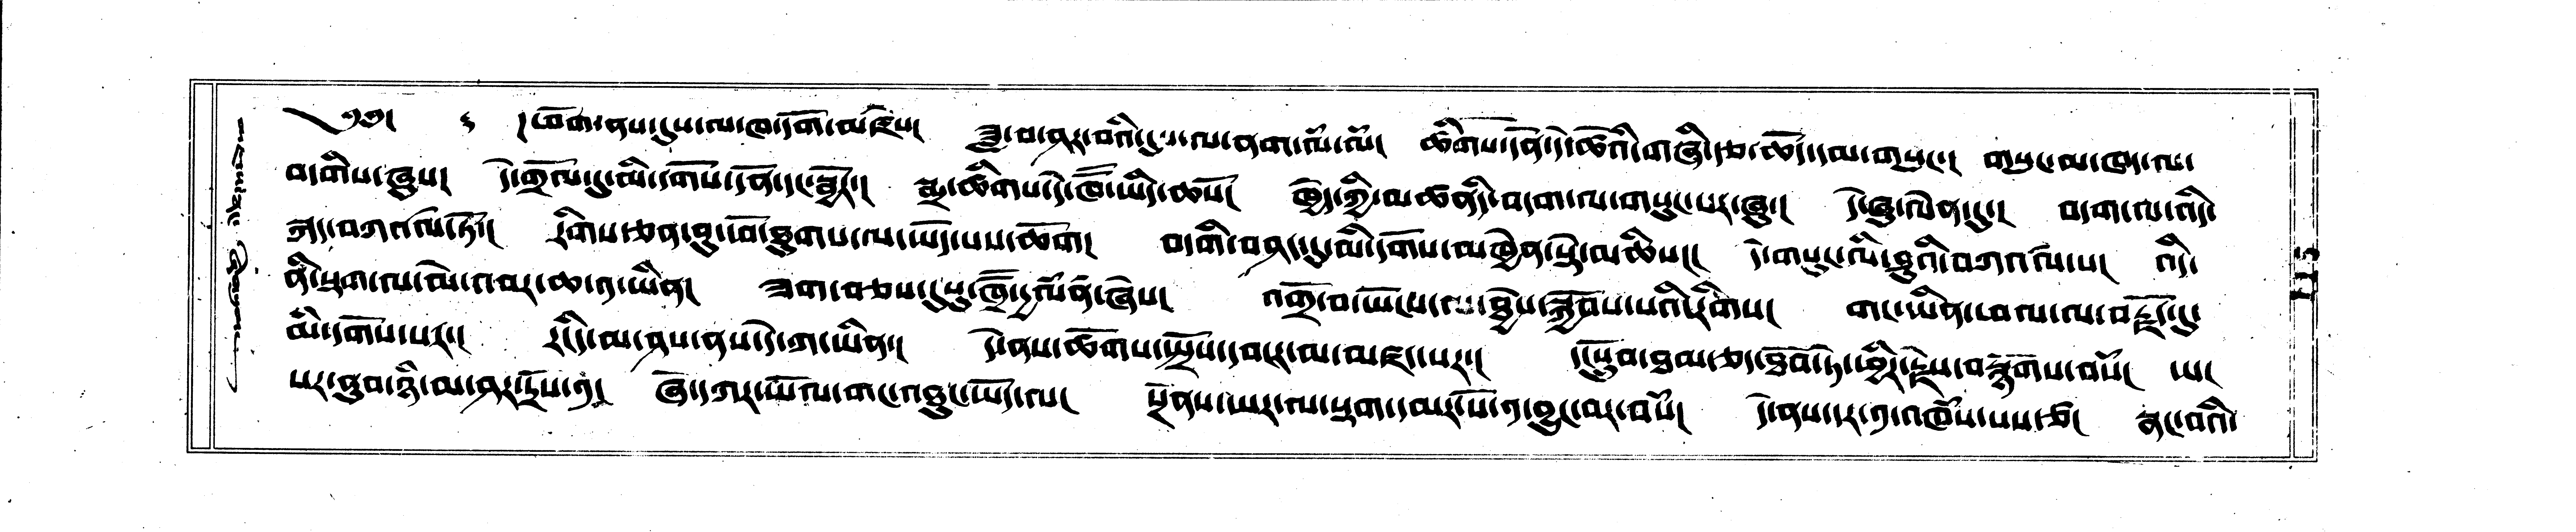ཕོག་ནས་དུས་ལ་ཁ་དོག་མཛེས། ཟླ་བ་ཤར་བའི་དུས་ལ་ནག་ལམ་ལམ། ཚིག་དོན་དེ་ཚོའི་གཞི་རྩ་ཆོད་དམ་གསུངས། གསུངས་མ་ཁད་ལ་
བདག་གིས་ཞུས། དེ་གྲོལ་དུ་མི་དགོས་དོན་དང་སྦྱོར། སྨྲ་ཚིག་དེ་ཁོ་བོ་ཡིད་ཆེས་སོ། ཁྱེད་ཀྱི་མཚན་ཉིད་བདག་ལ་གསུངས་པར་ཞུ། དེ་ཞུ་ལེན་དུ་བདག་ལ་འདི་
སྐད་བཀའ་སྩལ་ཏོ། རིགས་ཅན་བུ་ཕོ་ཐུགས་ལ་ཡོད་པས་ཆོག བདག་གི་བཤད་དུ་མི་དགོས་མཁྱེན་སྟེ་མཆིས། དེ་གསུངས་ལི་ཤུའི་བཀའ་སྩལ་པ། འདི་
ནི་སྟག་ལ་མེ་འབར་ཆ་གཅིག་ཡིན། ཟག་བཅས་དུས་སུ་ཁྲོ་བོ་རྒྱལ་མཚན་ཞེས། འགྲོ་བ་ཡོངས་ལ་ཐུགས་རྗེ་སྐྱོབས་པའི་རིགས། གང་ཡིན་ཕལ་ལ་བརྗོད་དུ་
མི་དགོས་པར། རང་ཉིད་མ་ཤེས་ནས་དེ་ཀ་ཡིན། དེ་ནས་ཚོགས་སྤྲོས་དབང་བསྐུར་མ་མཛད་པར། དངོས་གྲུབ་ཐམས་ཅད་ཐོབ་ཏེ་ཕྱིར་རྗེས་བསྙོགས་བསམ། ཡང་
པར་ནུབ་ཉི་མ་ཤར་དྲོས་གཅིག ཞོ་དཀར་ཡོལ་གང་འཐུང་ཡོད་ལ། སྔོན་ནས་ཡར་ལ་སྟག་དམར་པོ་གཅིག་བྱུང་བར་བསམ། དེ་ནས་དར་གཅིག་འཁམས་པས་ཙ། སྣང་བའི་